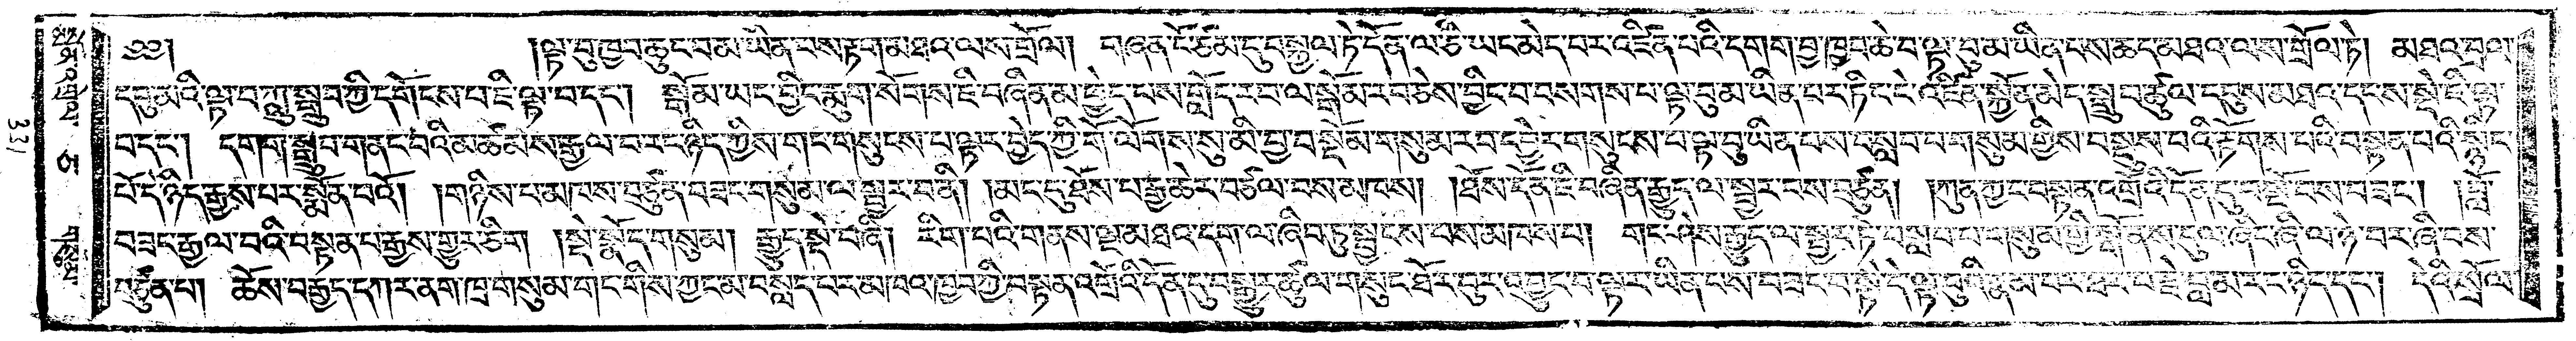༄༅། །ལྟ་བུ་ཁྱབ་ཆུང་བ་མ་ཡིན་པས་རྟག་མཐའ་ལས་གྲོལ། གཞན་ངོ་ཙམ་དུ་བསྐྱལ་ཏེ་དོན་ལ་ཅི་ཡང་མེད་པར་འཛིན་པའི་དགག་བྱ་ཁྱབ་ཆེ་བ་ལྟ་བུ་མ་ཡིན་པས་ཆད་མཐའ་ལས་གྲོལ་ཏེ། མཐའ་བྲལ་
དབུ་མའི་ལྟ་བ་ཀླུ་སྒྲུབ་ཀྱི་དགོངས་པ་ཇི་ལྟ་བ་དང་། སྒོམ་ཡང་བྱིང་རྨུག་སོགས་ཇི་བཞིན་མ་ཕྱད་པས་གློད་རབ་ལ་སྒོ་མར་བ་ཅེས་བྱིང་བ་བསགས་པ་ལྟ་བུ་མ་ཡིན་པར་ཏིང་ངེ་འཛིན་སྐྱོན་མེད་སྒྲུབ་ཚུལ་དབུས་མཐའ་དང་ས་སྡེ་ཇི་ལྟ་
བ་དང་། དགག་སྒྲུབ་གནང་བའི་མཚམས་རྒྱལ་བ་རང་ཉིད་ཀྱིས་གང་གསུངས་པ་ལྟར་བྱེད་ཀྱི་གོ་ལོགས་སུ་མི་བྱ་བ་སྡོམ་གསུམ་རབ་དབྱེར་གསུངས་པ་ལྟ་བུ་ཡིན་པས་བསླབ་པ་གསུམ་གྱིས་བསྡུས་པའི་རྟོགས་པའི་བསྟན་པའི་སྙིང་
པོ་དེ་ཉིད་རྒྱས་པར་སྨོན་པའོ། །གཉིས་པ་མཁས་བཙུན་བཟང་གསུམ་ལ་སྦྱར་བ་ནི། །མང་དུ་ཐོས་པ་རྒྱ་ཆེར་བཙལ་བས་མཁས། །ཐོས་དོན་ཇི་བཞིན་རྒྱུད་ལ་སྦྱར་བས་བཙུན། །ཀུན་ཀྱང་བསྟན་འགྲོའི་དོན་དུ་བསྔོ་བས་བཟང་། །བློ་
བཟང་རྒྱལ་བའི་བསྟན་པ་རྒྱས་གྱུར་ཅིག །སྡེ་སྣོད་གསུམ། རྒྱུད་སྡེ་བཞི། རིག་པའི་གནས་ལྔ་མཐའ་དག་ལ་ཞིབ་ཏུ་སྦྱངས་བས་མཁས་པ། གང་ཤེས་རྒྱུད་ལ་སྦྱར་ཏེ་བསླབ་པ་གསུམ་གྱི་སྒོ་ནས་དུལ་ཞིང་ཞི་ལ་ཉེ་བར་ཞི་བས་
བཙུན་པ། ཆོས་བརྒྱད་དཀར་ནག་ཁྲ་གསུམ་གང་གིས་ཀྱང་མ་བསླད་པར་མཁའ་ཁྱབ་ཀྱི་བསྟན་འགྲོའི་དོན་དུ་བསྒྱུར་ཚུལ་གསུང་ཐོར་བུར་འབྱུང་བ་ལྟར་ཡིན་པས་བཟང་བ་སྟེ་དེ་ལྟ་བུའི་རྣམ་པར་ཐར་པ་རྗེ་བླ་མ་རང་ཉིད་དང་། དེའི་སྲོལ་